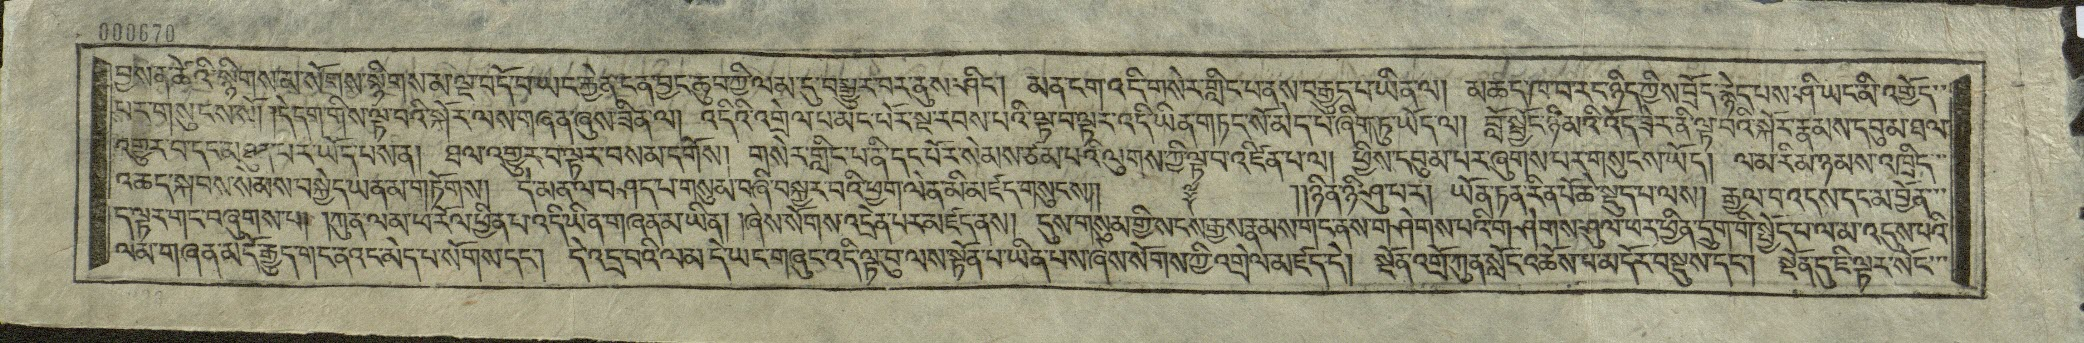བྱས་ན་ཚེའི་སྙིགས་མ་སོགས་སྙིགས་མ་ལྔ་བདོ་བ་ཡང་རྐྱེན་ངན་བྱང་ཆུབ་ཀྱི་ལམ་དུ་བསྒྱུར་བར་ནུས་ཤིང་། མན་ངག་འདི་གསེར་གླིང་པ་ནས་བརྒྱུད་པ་ཡིན་ལ། མཆད་ཁ་བ་རང་ཉིད་ཀྱིས་བྲོད་རྙེད་པས་ཤི་ཡང་མི་འགྱོད་
པར་གསུངས་སོ། །དེ་དག་གིས་ལྟ་བའི་སྐོར་ལས་གཞན་ཞུས་ཟིན་ལ། འདིའི་འགྲེལ་པ་མང་པོར་སྔ་རབས་པའི་ལྟ་བ་ལྟར་འདི་ཡིན་གཏང་སོ་མེད་པ་ཞིག་ཏུ་ཡོད་ལ། བློ་སྦྱོང་ཉི་མའི་འོད་ཟེར་ནི་ལྟ་བའི་སྐོར་རྣམས་དབུ་མ་ཐལ་
འགྱུར་བ་དང་མཐུན་པར་ཡོད་པས་ན། ཐལ་འགྱུར་བ་ལྟར་བསམ་དགོས། གསེར་གླིང་པ་ནི་དང་པོར་སེམས་ཙམ་པའི་ལུགས་ཀྱི་ལྟ་བ་འཛིན་པ་ལ། ཕྱིས་དབུ་མ་པར་ཞུགས་པར་གསུངས་ཡོད། ལམ་རིམ་ཉམས་འཁྲིད་
འཆད་སྐབས་སེམས་བསྐྱེད་ཡན་མ་གཏོགས། དེ་མན་ལ་བཤད་པ་གསུམ་བཞི་བསྐྱར་བའི་ཕྱག་ལེན་མི་མཛད་གསུངས།། ༈ །།ཉིན་ཉི་ཤུ་པར། ཡོན་ཏན་རིན་པོ་ཆེ་སྡུད་པ་ལས། རྒྱལ་བ་འདས་དང་མ་བྱོན་
ད་ལྟར་གང་བཞུགས་པ། །ཀུན་ལམ་ཕ་རོལ་ཕྱིན་པ་འདི་ཡིན་གཞན་མ་ཡིན། །ཞེས་སོགས་འདྲེན་པར་མཛད་ནས། དུས་གསུམ་གྱི་སངས་རྒྱས་རྣམས་གང་ནས་གཤེགས་པའི་གཤེགས་ཤུལ་ཕར་ཕྱིན་དྲུག་གི་སྤྱོད་པ་ལ་མ་འདུས་པའི་
ལམ་གཞན་མདོ་རྒྱུད་གང་ནའང་མེད་པ་སོགས་དང་། དེ་འདྲ་བའི་ལམ་དེ་ཡང་གཞུང་འདི་ལྟ་བུ་ལས་སྟོན་པ་ཡིན་པས་ཞེས་སོགས་ཀྱི་འགྲེལ་མཛད་དེ། སྔོན་འགྲོ་ཀུན་སློང་འཆོས་པ་མདོར་བསྡུས་དང་། སྔོན་དུ་ཇི་ལྟར་སོང་